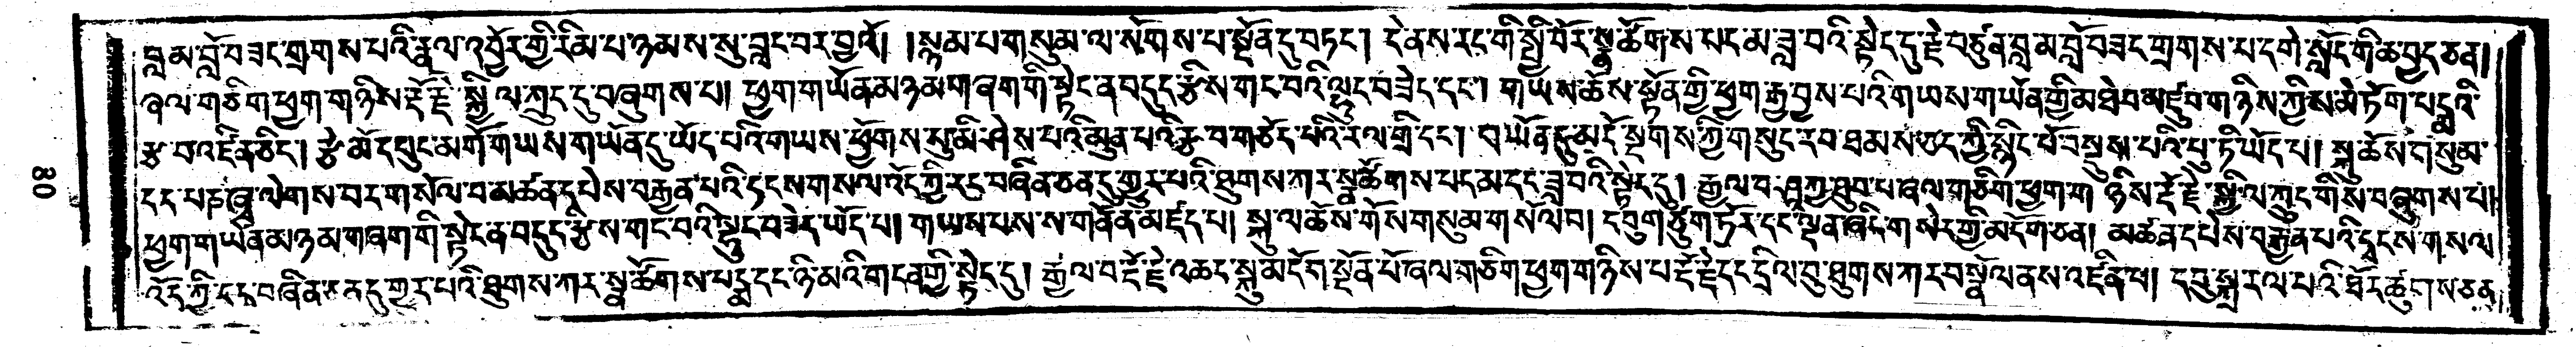བླ་མ་བློ་བཟང་གྲགས་པའི་རྣལ་འབྱོར་གྱི་རིམ་པ་ཉམས་སུ་བླང་བར་བྱའོ། །སྙམ་པ་གསུམ་ལ་སོགས་པ་སྔོན་དུ་བཏང་། དེ་ནས་རང་གི་སྤྱི་བོར་སྣ་ཚོགས་པད་མ་ཟླ་བའི་སྟེང་དུ་རྗེ་བཙུན་བླ་མ་བློ་བཟང་གྲགས་པ་དགེ་སློང་གི་ཆ་བྱད་ཅན།
ཞལ་གཅིག་ཕྱག་གཉིས་རྡོ་རྗེ་སྐྱིལ་ཀྲུང་དུ་བཞུགས་པ། ཕྱག་གཡོན་མཉམ་གཞག་གི་སྟེང་ན་བདུད་རྩིས་གང་བའི་ལྷུང་བཟེད་དང་། གཡས་ཆོས་སྟོན་གྱི་ཕྱག་རྒྱ་བྱས་པའི་གཡས་གཡོན་གྱི་མཐེབ་མཛུབ་གཉིས་ཀྱིས་མེ་ཏོག་པདམའི་
རྩ་བ་འཛིན་ཅིང་། རྩེ་མོ་དཔུང་མགོ་གཡས་གཡོན་དུ་ཡོད་པའི་གཡས་ཕྱོགས་སུ་མི་ཤེས་པའི་མུན་པའི་རྩ་བ་གཅོད་པའི་རལ་གྲི་དང་། ག?ཡོན་དུ་མདོ་སྔགས་ཀྱི་གསུང་རབ་ཐམས་ཅད་ཀྱི་སྙིང་པོ་བསྡུས་པའི་པུ་ཏི་ཡོད་པ། སྐུ་ཆོས་གསུམ་
དང་པཎ་ཞྭ་ལེགས་བར་གསོལ་བ་མཚན་དཔེས་བརྒྱན་པའི་དངས་གསལ་འོད་ཀྱི་རང་བཞིན་ཅན་དུ་གྱུར་པའི་ཐུགས་ཀར་སྣ་ཚོགས་པད་མ་དང་ཟླ་བའི་སྟེང་དུ། རྒྱལ་བ་ཤཱཀྱ་ཐུབ་པ་ཞལ་གཅིག་ཕྱག་གཉིས་རྡོ་རྗེ་སྐྱིལ་ཀྲུང་གིས་བཞུགས་པ།
ཕྱག་གཡོན་མཉམ་གཞག་གི་སྟེང་ན་བདུད་རྩིས་གང་བའི་ལྷུང་བཟེད་ཡོད་པ། གཡས་པས་ས་གནོན་མཛད་པ། སྐུ་ལ་ཆོས་གོས་གསུམ་གསོལ་བ། དབུ་གཙུག་ཏོར་དང་ལྡན་ཞིང་གསེར་གྱི་མདོག་ཅན། མཚན་དཔེས་བརྒྱན་པའི་དྭངས་གསལ་
འོད་ཀྱི་དང་བཞིན་ཅན་དུ་གྱུར་པའི་ཐུགས་ཀར་སྣ་ཚོགས་པདམ་དང་ཉི་མའི་གདན་གྱི་སྟེང་དུ། རྒྱལ་བ་རྡོ་རྗེ་འཆང་སྐུ་མདོག་སྔོན་པོ་ཞལ་གཅིག་ཕྱག་གཉིས་པ་རྡོ་རྗེ་དང་དྲིལ་བུ་ཐུགས་ཀར་བསྣོལ་ནས་འཛིན་པ། དབུ་སྐྲ་རལ་པའི་ཐོར་ཚུགས་ཅན།